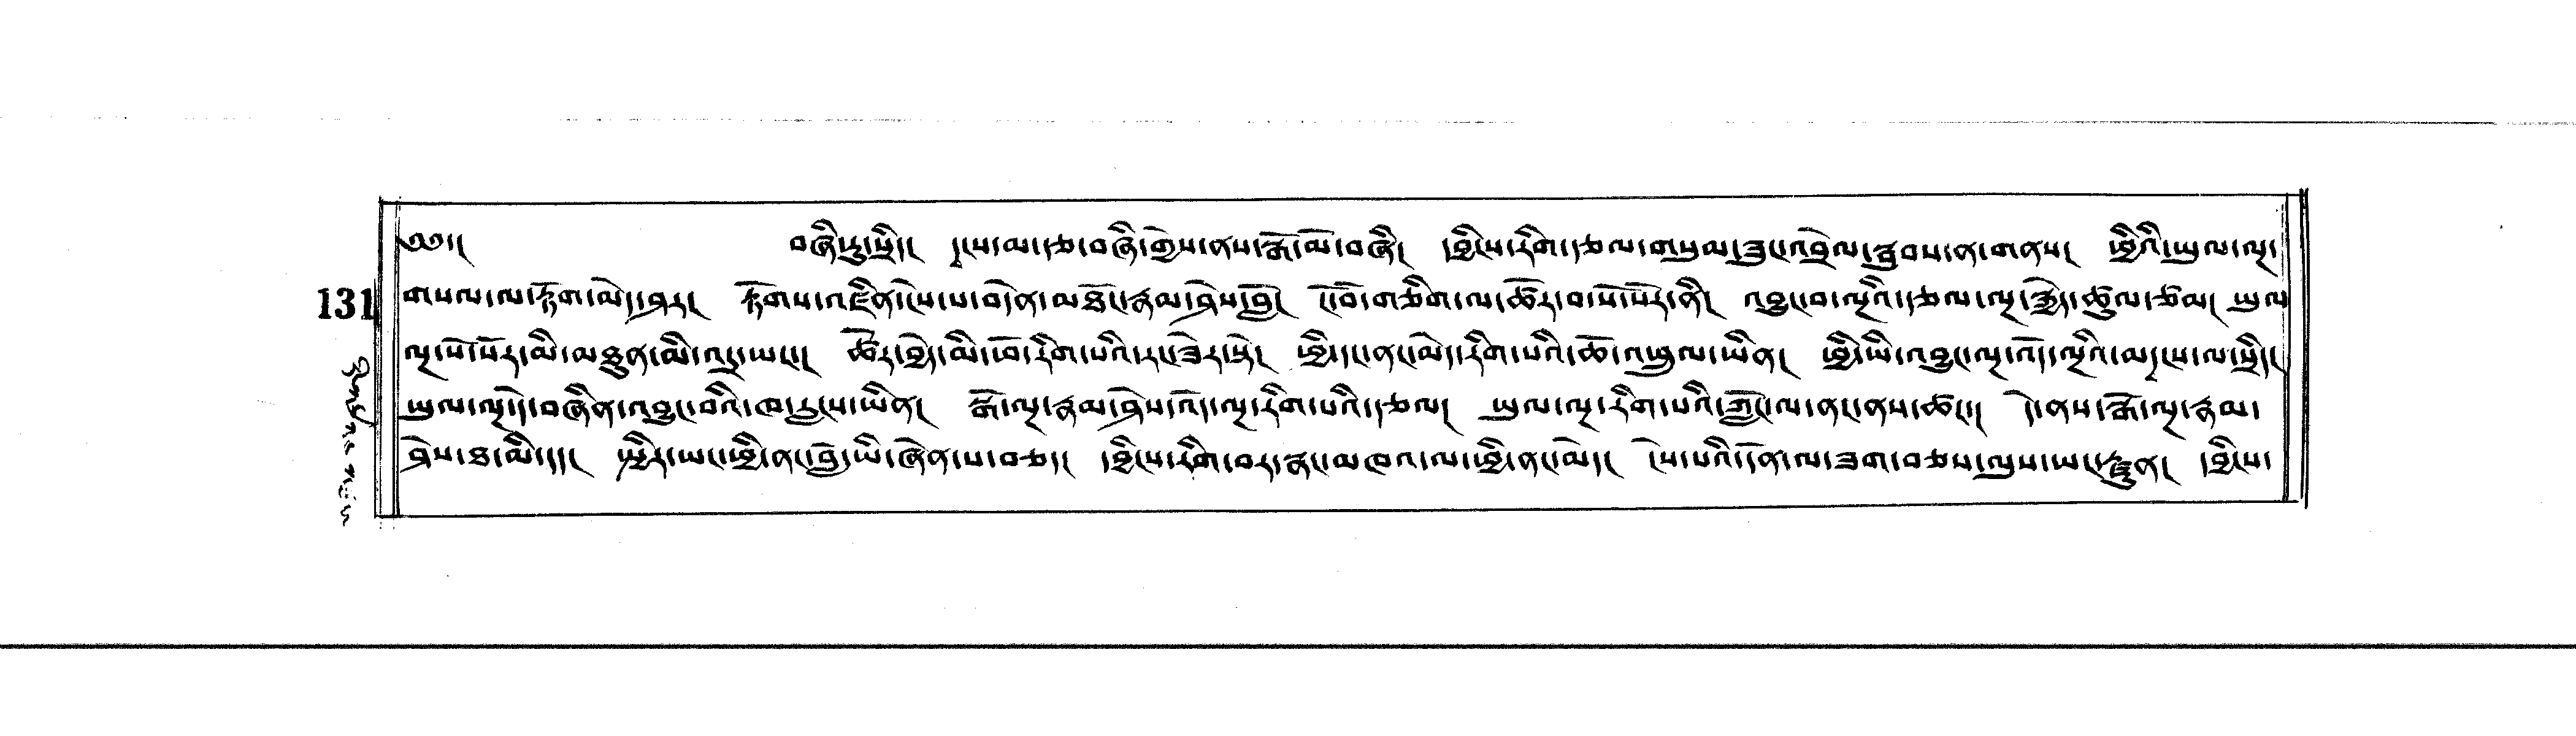བཞི་རུ་སྲིད། དྭངས་མ་རྩ་བཞི་གྱེས་ནས་སྒོ་མོ་བཞི། དབྱིངས་རིག་རྩལ་གསུམ་ཟུང་འབྲེལ་སྦུབས་ན་གནས། ཕྱི་ཡི་ཡུལ་ལྔ་
གསལ་ལ་རྟོག་མེད་ཤར། རྟོག་འཛིན་ངེས་བདེན་མཐོང་རྣམ་ཤེས་བློ། ངོ་བོ་གཅིག་ལ་ཚོར་བ་སོ་སོར་ནི། འབྱུང་བ་ལྔའི་རྩལ་ལྔ་སྐྱེད་ཚུལ་ཙམ། ཡུལ་
ལྔ་སོ་སོར་མི་མཐུན་མི་འདྲ་ཡང་། ཚོར་བྱེད་མི་ཕོ་རིག་པའི་རང་ཟེར་ཏེ། ཕྱི་དང་ནང་མེད་རིག་པའི་ཆོ་འཕྲུལ་ཡིན། ཕྱི་ཡི་འབྱུང་ལྔ་འོད་ལྔའི་མདངས་ལ་སྲིད། 
ཡུལ་ལྔ་དེ་བཞིན་འབྱུང་བའི་ཁ་རླངས་ཡིན། སྒོ་ལྔ་རྣམ་ཤེས་འོད་ལྔ་རིག་པའི་རྩལ། ཡུལ་ལྔ་རིག་པའི་ཀློང་ལ་ནང་ནས་ཚང་། དེ་ནས་སྒོ་ལྔ་རྣམ་
ཤེས་ཐ་མི་དད། སྤྱིར་ཡང་ཕྱི་ནང་བློ་ཡི་ཞེན་པ་བཅད། དབྱིངས་རིག་བར་སྣང་མཁའ་ལ་ཕྱི་ནང་མེད། ངེས་པའི་དོན་ལ་ཟག་བཅས་ལུས་ཀྱང་རྫུན། དབྱིངས་